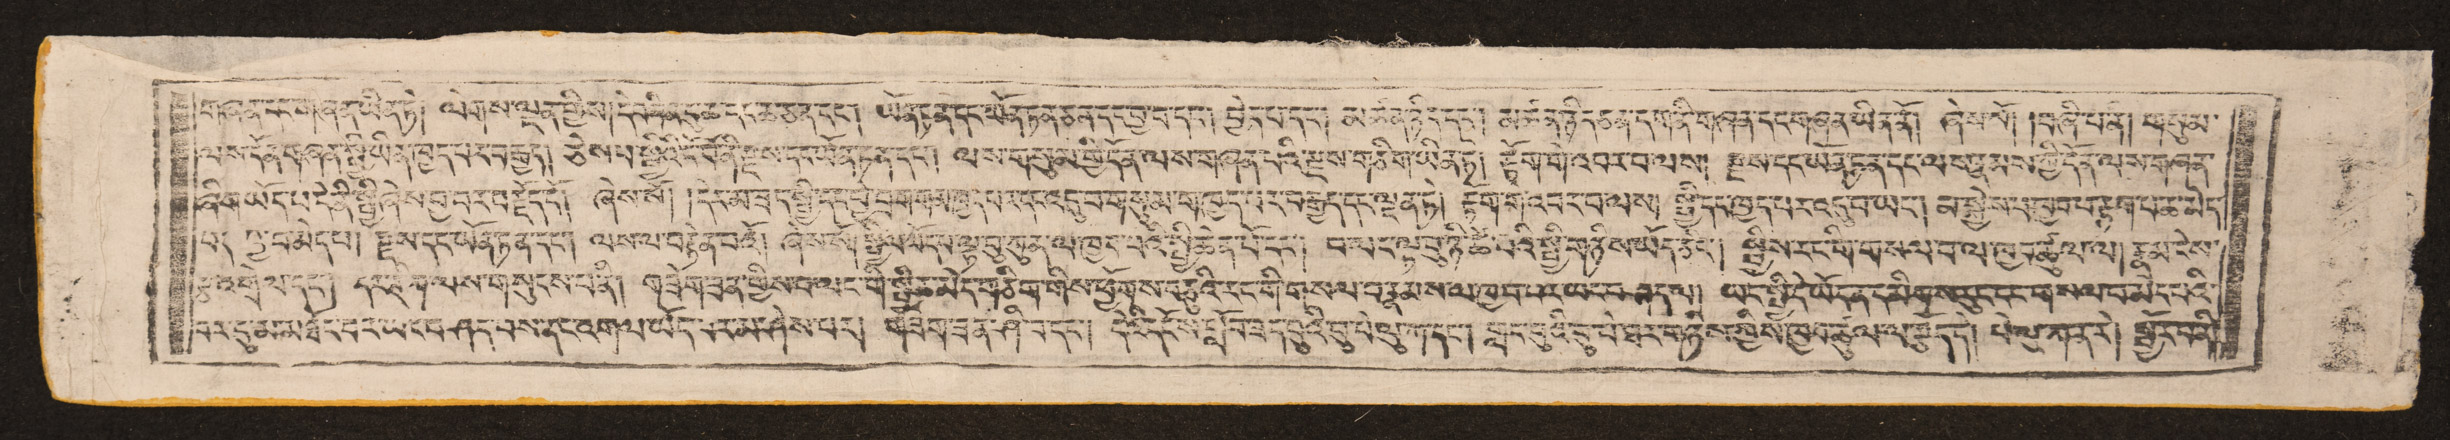གཞན་དང་གཞན་ཡིན་ཏེ། ལེགས་ལྡན་གྱིས། དེ་བཞིན་དུ་ཆ་དང་ཆ་ཅན་དང་། ཡོན་ཏན་དང་ཡོན་ཏན་ཅན་དང་བྱ་བ་དང་། བྱེད་པ་དང་། མཚན་ཉིད་དང་། མཚན་ཉིད་ཅན་དག་ནི་གཞན་དང་གཞན་ཡིན་ནོ། ཞེས་སོ། །བཞི་པ་ནི། གསུམ་
ལས་དོན་གཞན་སྤྱི་ཡིན་ཁྱད་པར་བརྒྱད། ཅེས་པ་སྤྱིའི་ངོ་བོ་ནི་རྫས་དང་ཡོན་ཏན་དང་། ལས་གསུམ་གྱི་དོན་ལས་གཞན་པའི་རྫས་གཅིག་ཡིན་ཏེ། རྟོག་གེ་འབར་བ་ལས། རྫས་དང་ཡོན་ཏན་དང་ལས་རྣམས་ཀྱི་དོན་ལས་གཞན་
ཞིག་ཡོད་པ་དེ་ནི་སྤྱི་ཞེས་བྱ་བར་བརྗོད་དོ། ཞེས་སོ། །དེར་མ་ཟད་སྤྱི་དང་བྱེ་བྲག་གམ་ཁྱད་པར་དང་འདུ་བ་གསུམ་ག་ཁྱད་པར་བརྒྱད་དང་ལྡན་ཏེ། རྟོག་གེ་འབར་བ་ལས། སྤྱི་དང་ཁྱད་པར་འདུ་བ་ཡང་། མ་སྐྱེས་པ་ཁྱབ་པ་རྟག་པ་ཆ་མེད་
པ༑ བྱ་བ་མེད་པ། རྫས་དང་ཡོན་ཏན་དང་། ལས་ལ་བརྟེན་པའོ། ཞེས་སོ། སྤྱི་ལ་ཡོད་པ་ལྟ་བུ་ཀུན་ལ་ཁྱབ་པའི་སྤྱི་ཆེན་པོ་དང་། བ་ལང་ལྟ་བུ་ཉི་ཚེ་པའི་སྤྱི་གཉིས་ཡོད་ཅིང་། སྤྱིས་རང་གི་གསལ་བ་ལ་ཁྱབ་ཚུལ་ལ། རྣམ་ངེས་
རྩ་འགྲེལ་དང་། དར་ཊིཀ་ལས་གསུངས་པ་ནི། གཟེག་ཟན་གྱིས་བ་ལང་གི་སྤྱི་ཆ་མེད་གཅིག་གིས་ཕྱོགས་བཅུའི་རང་གི་གསལ་བ་རྣམས་ལ་ཁྱབ་པར་ཡང་བཤད་ལ། ཡང་སྤྱི་དེ་ཡོད་ན་དམིགས་རུང་དང་གསལ་བ་མེད་པའི་
བར་དུ་མ་མཐོང་བར་ཡང་བཤད་པས་ནང་འགལ་ཡོད་པར་མ་ཤེས་པར། གཟེག་ཟན་ཤི་བ་དང་། དེའི་དངོས་སློབ་ཟད་བུའི་བུ་པེ་ལུ་ཀ་དང་། གླང་བུའི་བུ་པེ་ཐར་གཉིས་ཀྱིས་ཁྱབ་ཚུལ་ལ་རྩོད་དེ། པེ་ལུ་ཀ་ན་རེ། སྦྱོར་བ་ནི་